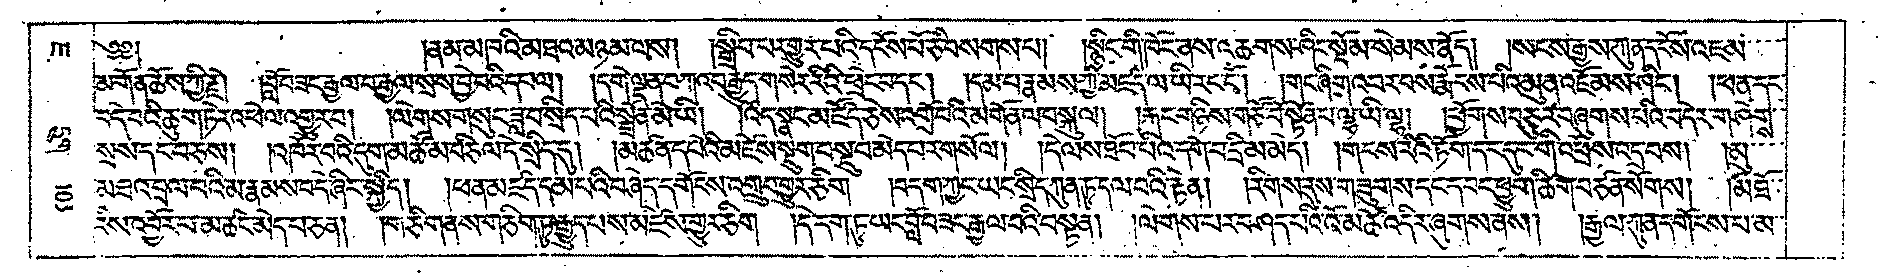༄༅། །ནམ་མཁའི་མཐའ་མཉམ་ལས། །སྒྲིབ་པར་གྱུར་པའི་དངོས་པོ་ཅི་བསགས་པ། །སྙིང་གི་ཁོང་ནས་འཆགས་ཤིང་སྡོམ་སེམས་ནོད། །སངས་རྒྱས་ཀུན་དངོས་འཇམ་
མགོན་ཆོས་ཀྱི་རྗེ། །བློ་བཟང་རྒྱལ་བ་རྒྱལ་སྲས་བྱེ་བའི་དཔལ། །དགེ་ལྡན་བཀའ་བརྒྱུད་གསེར་རིའི་ཕྲེང་བ་དང་། །དམ་པ་རྣམས་ཀྱི་མཛད་ལ་ཡི་རང་ངོ། །གང་ཞིག་འབར་བས་རྨོངས་པའི་མུན་འཇོམས་ཤིང་། །ཕན་དང་
བདེ་བའི་ཆུ་གཏེར་འཕེལ་འགྱུར་བ། །ལེགས་གསུང་ཟླ་བ་སྲིད་པའི་སྒྲོན་མེ་ཡི། །འོད་སྣང་མཛོད་ཅེས་འགྲོ་བའི་མགོན་ལ་བསྐུལ། །རྐང་གཉིས་གཙོ་བོ་སྟོན་པ་ལྷ་ཡི་ལྷ། །ཕྱོགས་བཅུར་བཞུགས་པའི་བདེར་གཤེགས་
སྲས་དང་བཅས། །འཁོར་བའི་དུག་མཚོ་མ་བཅིལ་དེ་སྲིད་དུ། །མཚན་དཔེའི་མཛེས་སྡུག་བསྡུ་བ་མེད་པར་གསོལ། །དེ་ལས་ཐོབ་པའི་དགེ་བ་དྲི་མ་མེད། །གངས་རིའི་ཏོག་དང་དུང་གི་འཕྲོས་འདྲ་བས། །མུ་
མཐའ་བྲལ་བའི་མ་རྣམས་བདེ་ཞིང་སྐྱིད། །ཕན་མཛད་དམ་པའི་བཞེད་དགོངས་འགྲུབ་གྱུར་ཅིག །བདག་ཀྱང་ཡང་སྲིད་ཀུན་ཏུ་དལ་བའི་རྟེན། །རིགས་རུས་གཟུགས་དང་དབང་ཕྱུག་ཚིག་བཙན་སོགས། །མཐོ་
རིས་འབྱོར་པ་མ་ཚང་མེད་པ་ཅན། །གཅིག་ནས་གཅིག་ཏུ་རྒྱུད་པས་མཛེས་གྱུར་ཅིག །དེ་དག་ཏུ་ཡང་བློ་བཟང་རྒྱལ་བའི་བསྟན། །ལེགས་པར་བཤད་པའི་འོ་མཚོ་འདིར་ཞུགས་ནས། །རྒྱལ་ཀུན་དགོངས་པ་མ་